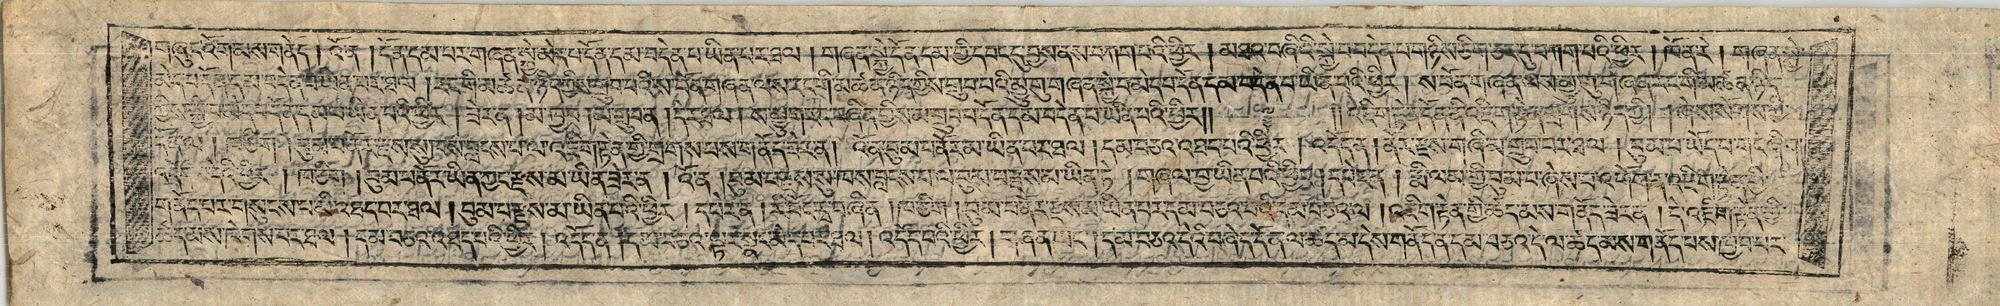གཞུང་འོག་མས་གནོད། འོ་ན། དོན་དམ་པར་གཞན་སྐྱེ་མེད་པ་དོན་དམ་བདེན་པ་ཡིན་པར་ཐལ། གཞན་སྐྱེ་དོན་དམ་གྱི་དབང་དུ་བྱས་ནས་བཀག་པའི་ཕྱིར། མཐའ་བཞིའི་སྐྱེ་བ་བདེན་པ་གཉིས་ཅིག་ཅར་དུ་བཀག་པའི་ཕྱིར། ཁོ་ན་རེ། གཞན་སྐྱེ་
མེད་པ་དོན་དམ་བདེན་པ་ཡིན་པར་ཐལ། རང་གི་མཚན་ཉིད་ཀྱིས་གྲུབ་པའི་ས་བོན་གཞན་ལས་རང་གི་མཚན་ཉིད་ཀྱིས་གྲུབ་པའི་མྱུ་གུ་གཞན་སྐྱེ་བ་མེད་པ་དོན་དམ་བདེན་པ་ཡིན་པའི་ཕྱིར། ས་བོན་གཞན་ལས་མྱུ་གུ་གཞན་རང་གི་མཚན་ཉིད་
ཀྱིས་སྐྱེ་བ་མེད་པ་དོན་དམ་པ་ཡིན་པའི་ཕྱིར། ཟེར་ན། མ་ཁྱབ། མ་གྲུབ་ན། དེར་ཐལ། ས་མྱུག་རང་བཞིན་གྱིས་མ་གྲུབ་པ་དོན་དམ་བདེན་པ་ཡིན་པའི་ཕྱིར།། ༈ །།འཇིག་རྟེན་དོན་ནི་འཇིག་རྟེན་གྲགས་ཉིད་ཀྱི། །ཞེས་སོགས་ཀྱི་
དོན་ལ། ཁ་ཅིག །བུམ་པ་ནོར་རྫས་སུ་ཁས་བླངས་པ་ལ་འཇིག་རྟེན་གྱི་གྲགས་པས་གནོད་ཟེར་ན། འོ་ན་བུམ་པ་ནོར་མ་ཡིན་པར་ཐལ། དམ་བཅའ་འཐད་པའི་ཕྱིར། འདོད་ན། ནོར་རྫས་གཞི་མ་གྲུབ་པར་ཐལ། བུམ་པ་ཡོད་པ་གང་ཞིག་
འདོད་པ་དེའི་ཕྱིར། ཁ་ཅིག །བུམ་པ་ནོར་ཡིན་ཀྱང་རྫས་མ་ཡིན་ཟེར་ན། འོ་ན། བུམ་པ་རྫས་སུ་ཁས་བླངས་པ་ལ་བུམ་པ་རྫས་མ་ཡིན་ཏེ། གཞལ་བྱ་ཡིན་པའི་ཕྱིར། དཔེར་ན། རྨི་ལམ་གྱི་བུམ་པ་ཞེས་པ་འགོག་ན་འཇིག་རྟེན་གྱི་
གནོད་པར་གསུངས་པ་མི་འཐད་པར་ཐལ། བུམ་པ་རྫས་མ་ཡིན་པའི་ཕྱིར། དཔེར་ན། རི་བོང་རྭ་བཞིན། ཁ་ཅིག །བུམ་པ་ནོར་རྫས་མ་ཡིན་པར་དམ་བཅའ་བའི་དམ་བཅའ་ལ། འཇིག་རྟེན་གྱི་ཚད་མས་གནོད་ཟེར་ན། དེ་འཇིག་རྟེན་གྱི་
ཚད་མས་ཁེགས་པར་ཐལ། དམ་བཅའ་འཐད་པའི་ཕྱིར། འདོད་ན། དམ་བཅའ་ལྟར་སྣང་མེད་པར་ཐལ། འདོད་པའི་ཕྱིར། གཞན་ཡང་། དམ་བཅའ་དེའི་བཞེད་དོན་ལ་ཚད་མ་དེས་གནོད་ན་དམ་བཅའ་དེ་ལ་ཚད་མས་གནོད་པས་ཁྱབ་པར་